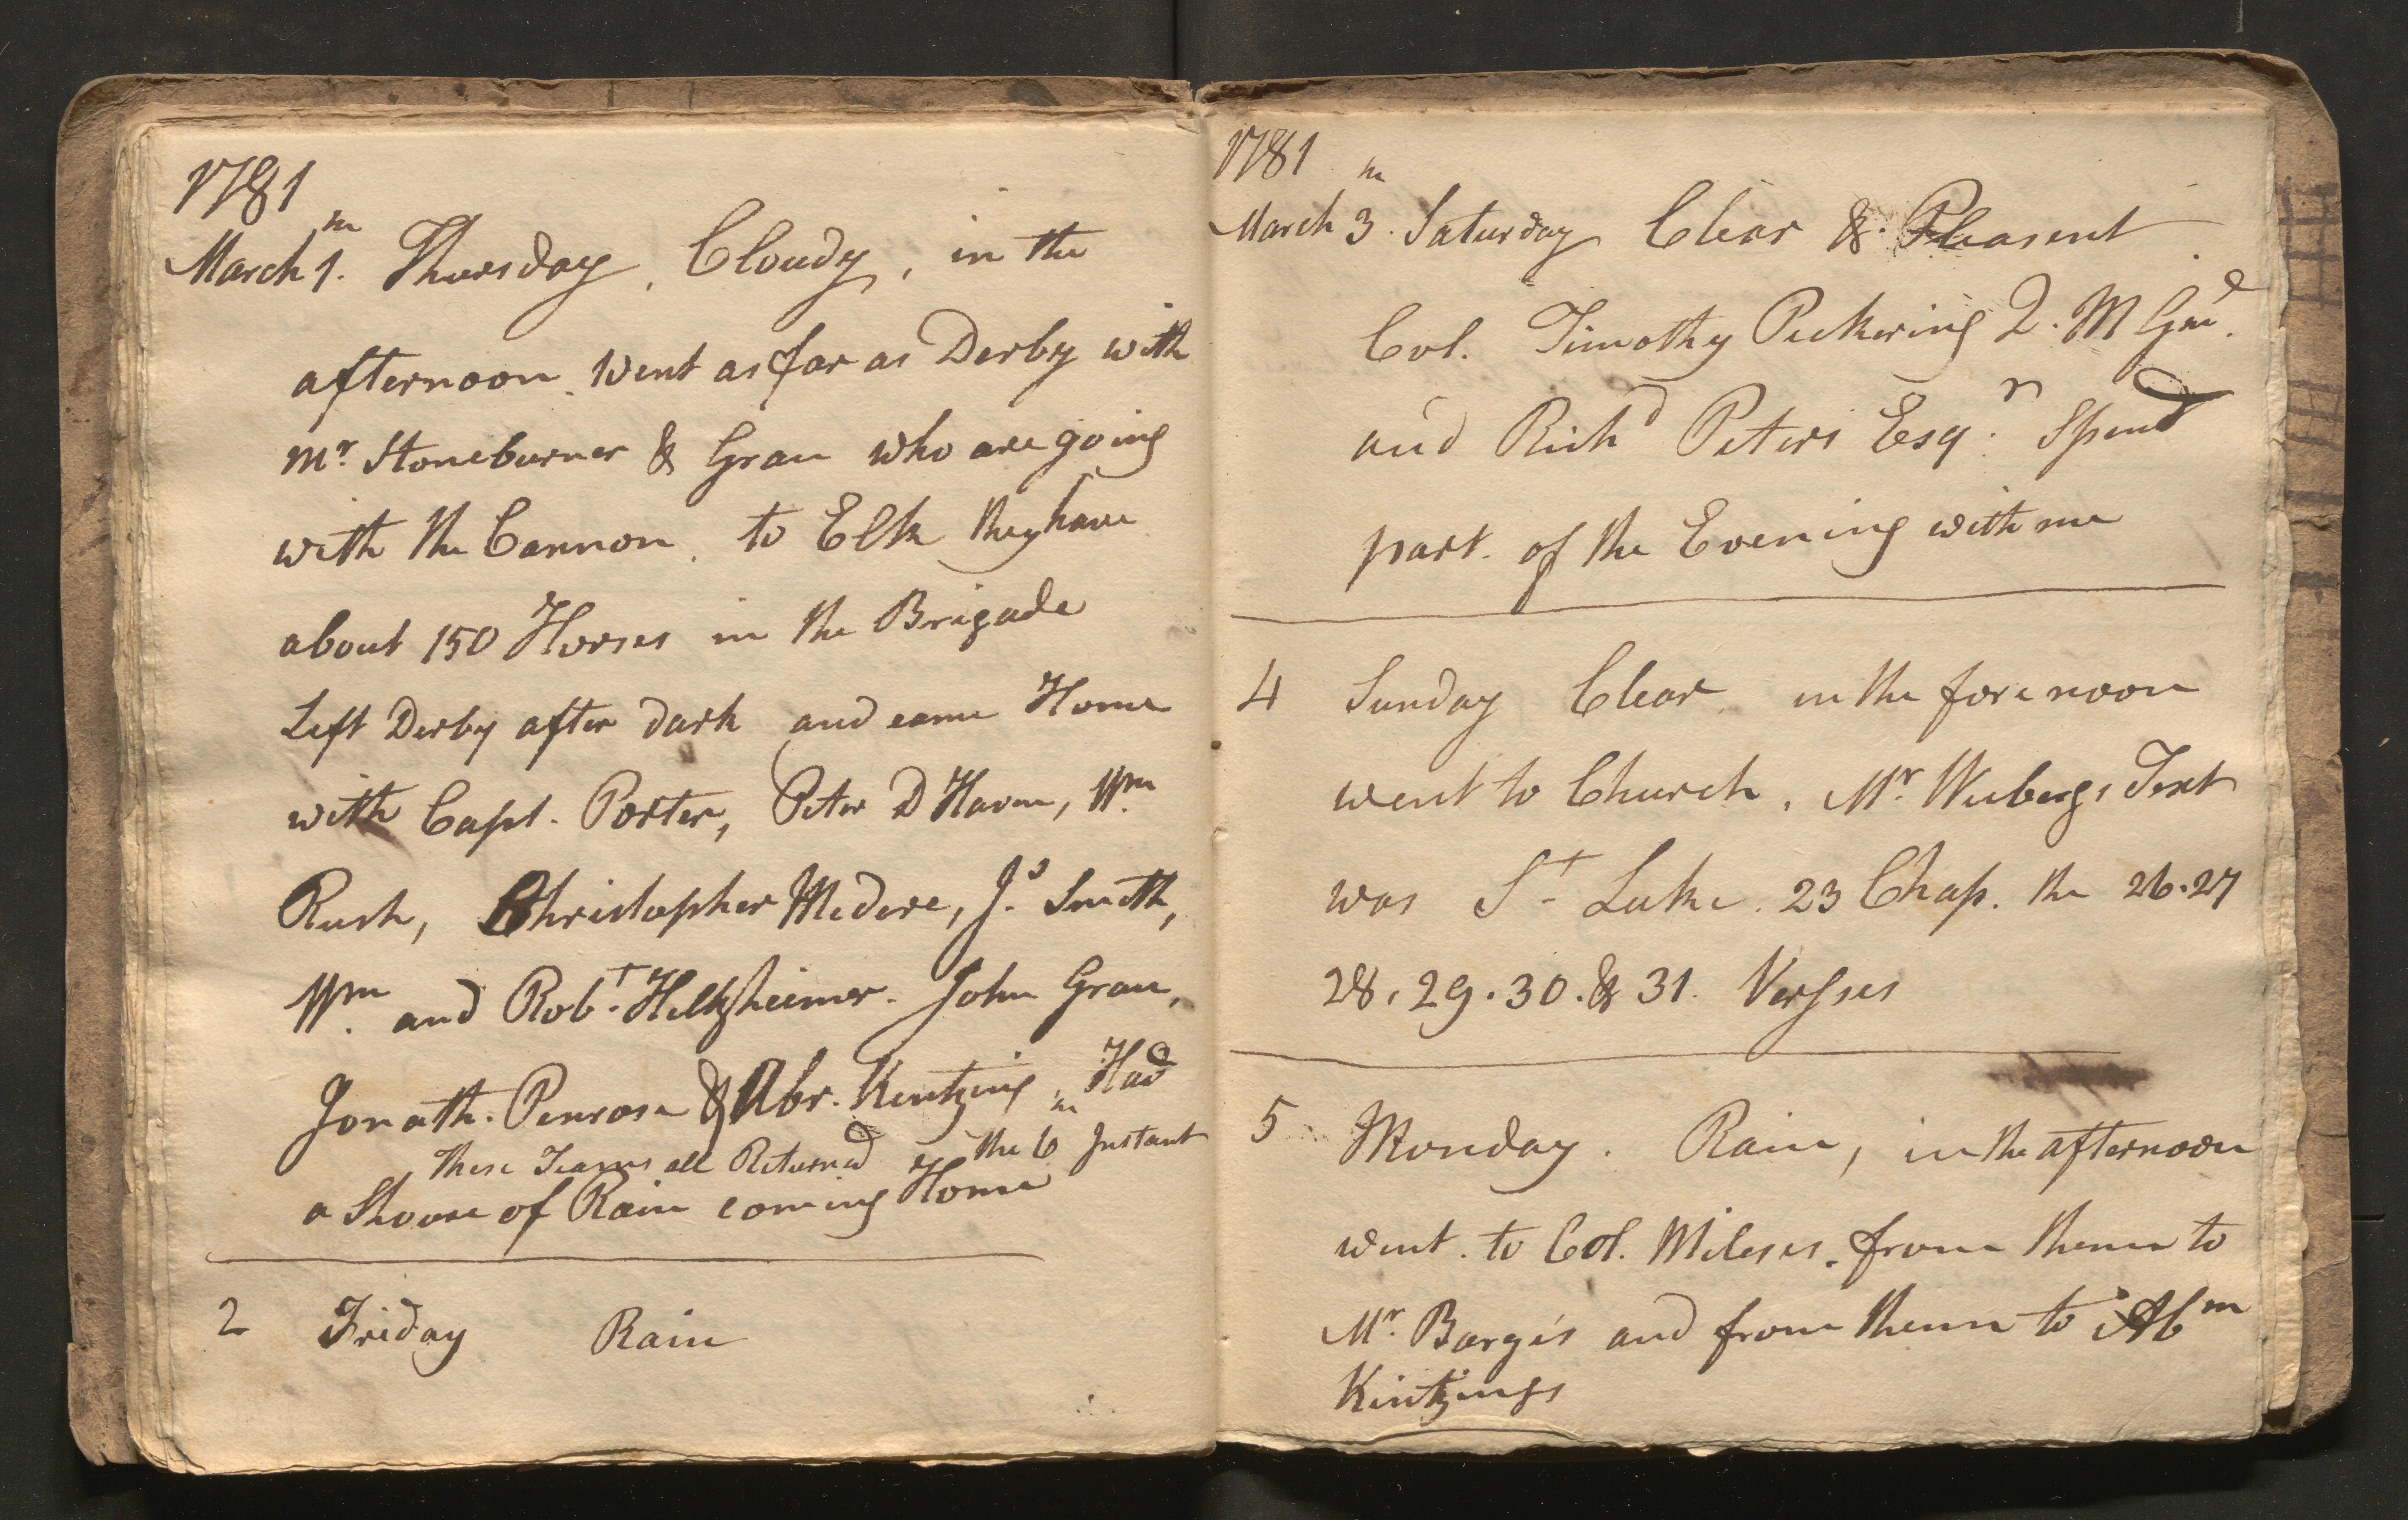1781
March 1^th. Thursday Cloudy, in the
afternoon went as far as Darby with
M^r. Stoneburner & Grau who are going
with the Cannon to Elk they have
about 150 Horses in the Brigade
Left Darby after dark and came Home
with Captl. Porter Peter D Havon, W^m.
Rush, Christopher Midere, J^s. Smith
W^m. and Rob^t. Hillzheimr. John Grau,
Jonath. Penrose & Abr. Kintzing, Had
These Teams all Returned the 6 Instant
a Shoure of Rain coming Home
2 Friday Rain
1781
March 3^th. Saturday Clear & Pleasent
Col. Timothy Pickering Q.MGen^l.
and Rich^d Peters Esq^r: Spend
part of the Evening with me
4 Sunday Clear in the forenoon
went to Church. M^r. Weibergs Text
was S^t. Luke 23 Chap. the 26.27
28. 29. 30. & 31. Versses
5 Monday. Rain, in the afternoon
went to Col. Mileses from thence to
M^r Barges and from thence to Ab^m
Kintzings